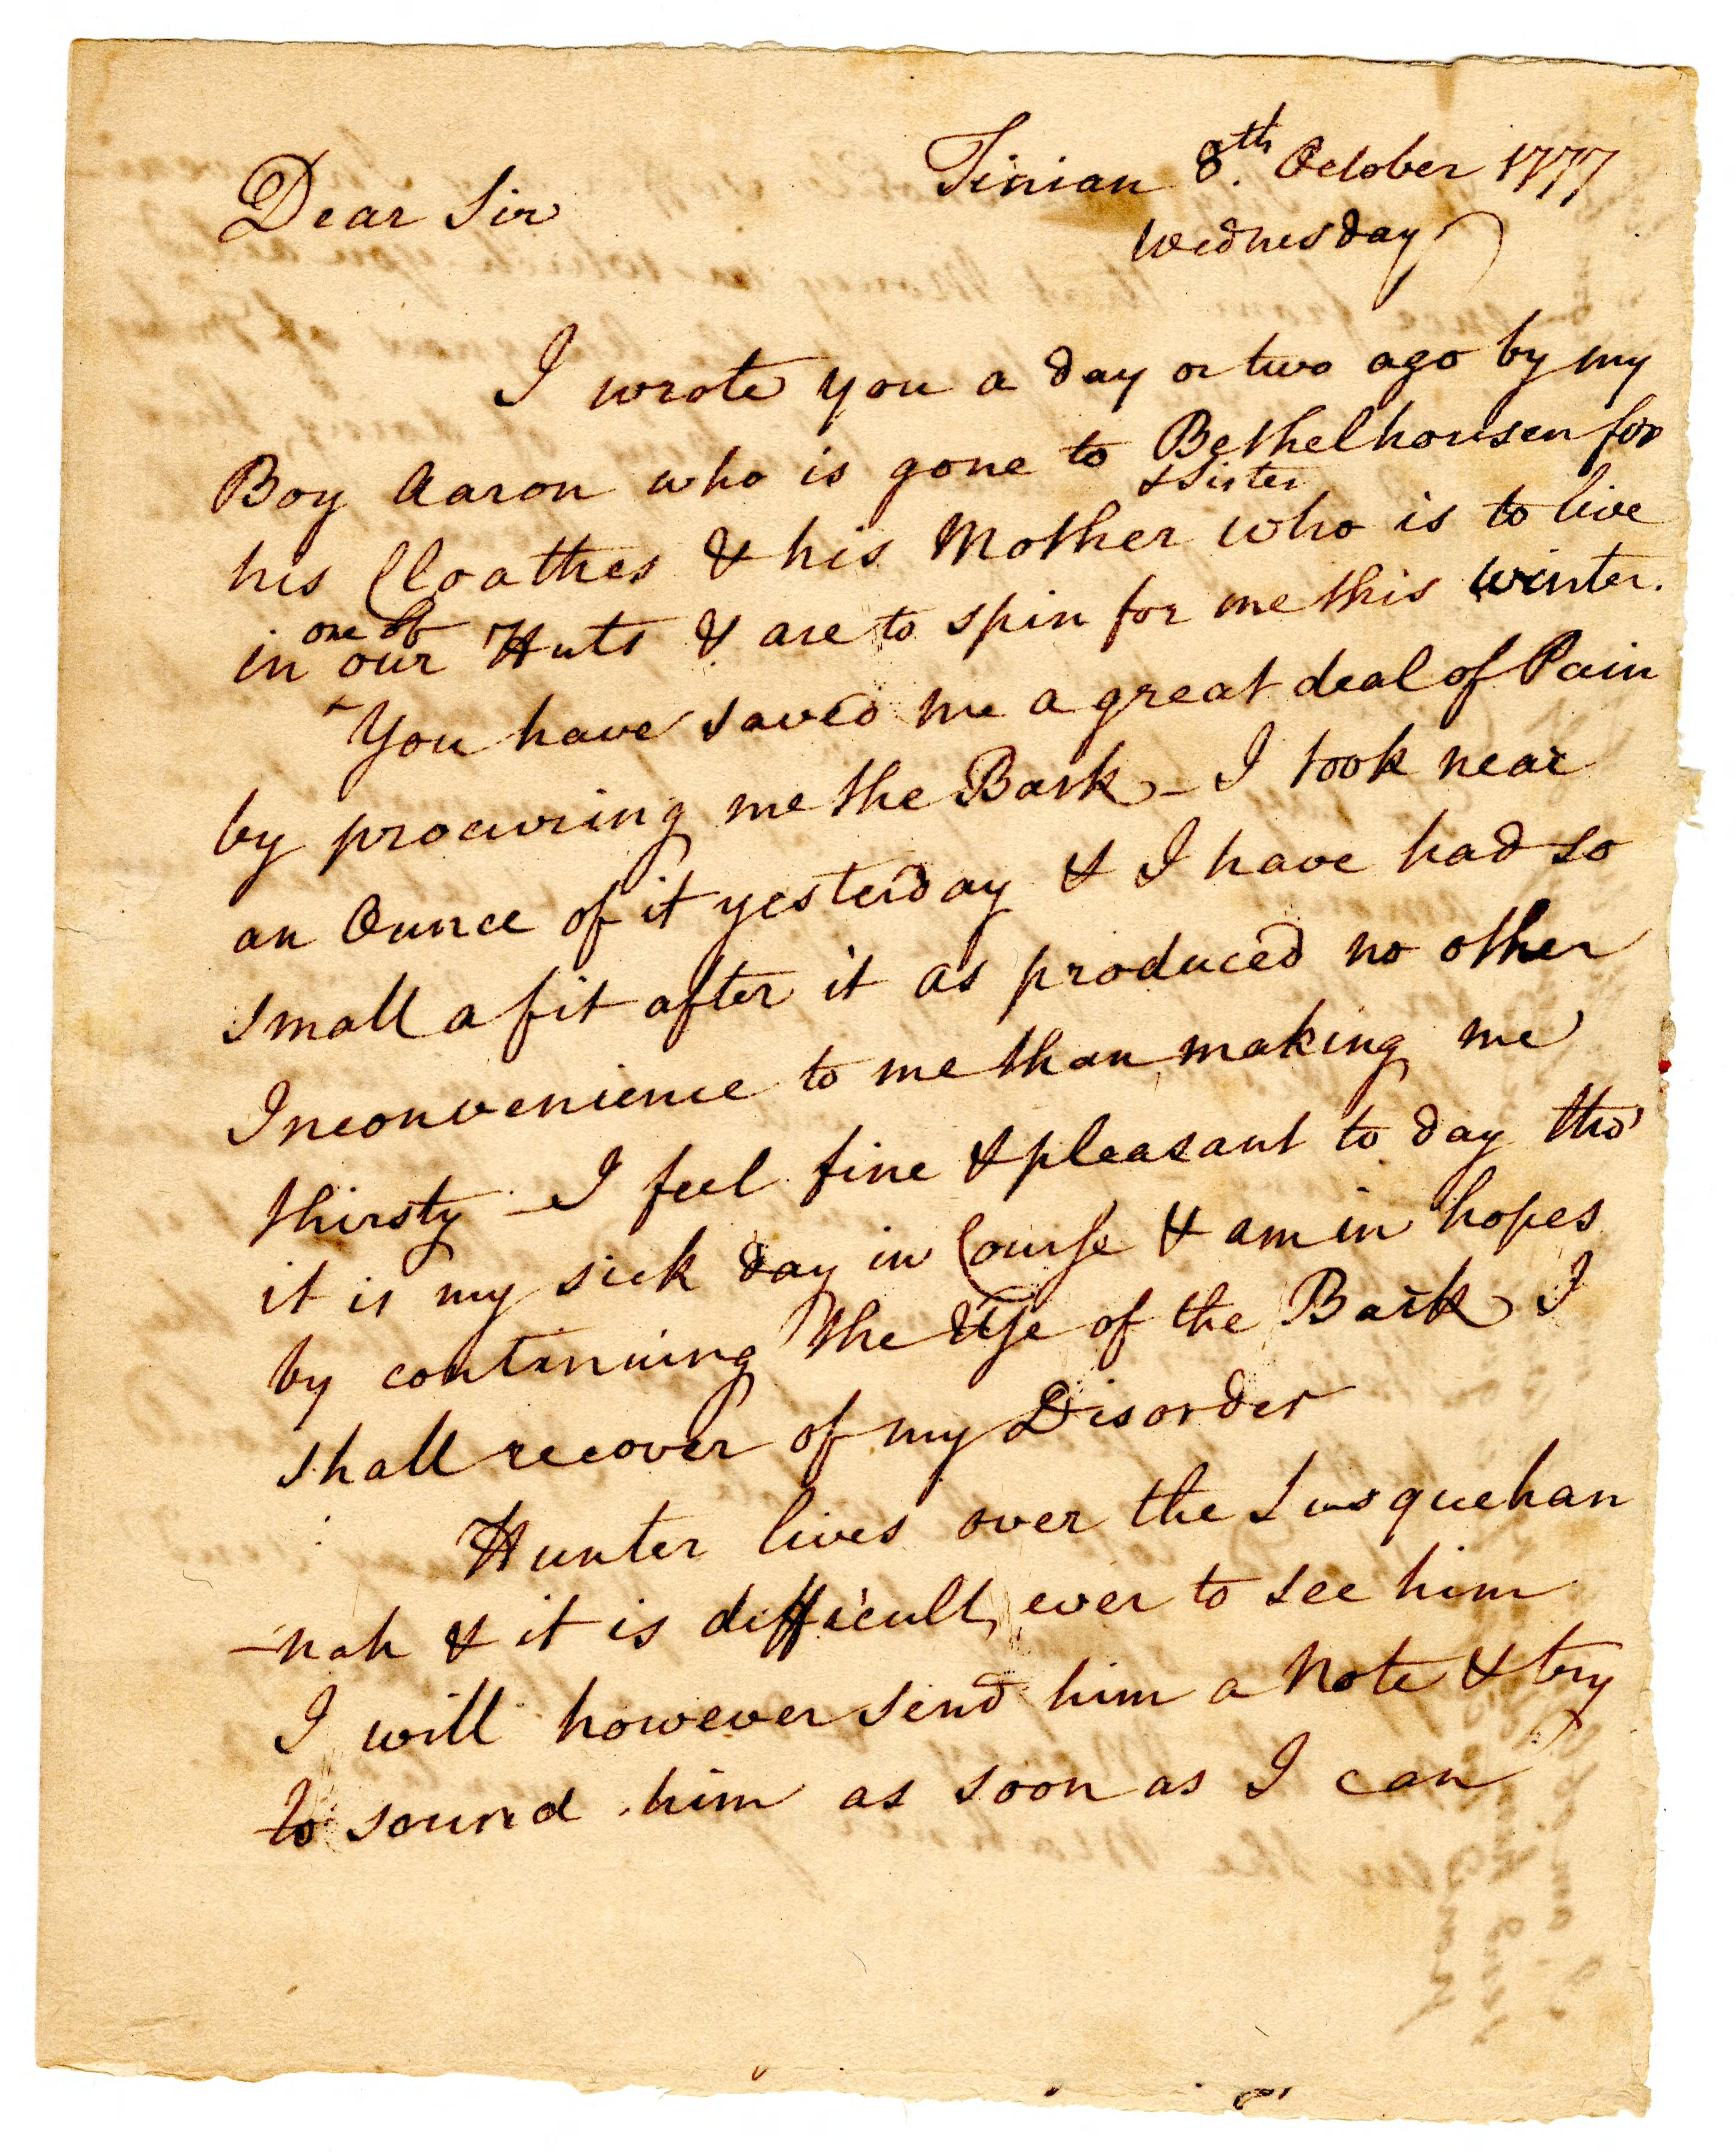Tinian 8^th. October 1777
Wednesday
Dear Sir
I wrote you a day or two ago by my
Boy Aaron who is gone to Bethelhousen for
& Sister
his Cloathes & his Mother ^ who is to live
one of
in ^ our Huts & are to spin for me this winter.
You have saved me a great deal of Pain
by procuring me the Bark- I took near
an Ounce of it yesterday & I have had so
small a fit after it as produced no other
Inconvenience to me than making me
thirsty -I feel fine & pleasant to day tho'
it is my sick day in Course & am in hopes
by continuing the Use of the Bark I
shall recover of my Disorder
Hunter lives over the Susquehan
-nah & it is difficult ever to see him
I will however send him a note & beg
to sound him as soon as I can